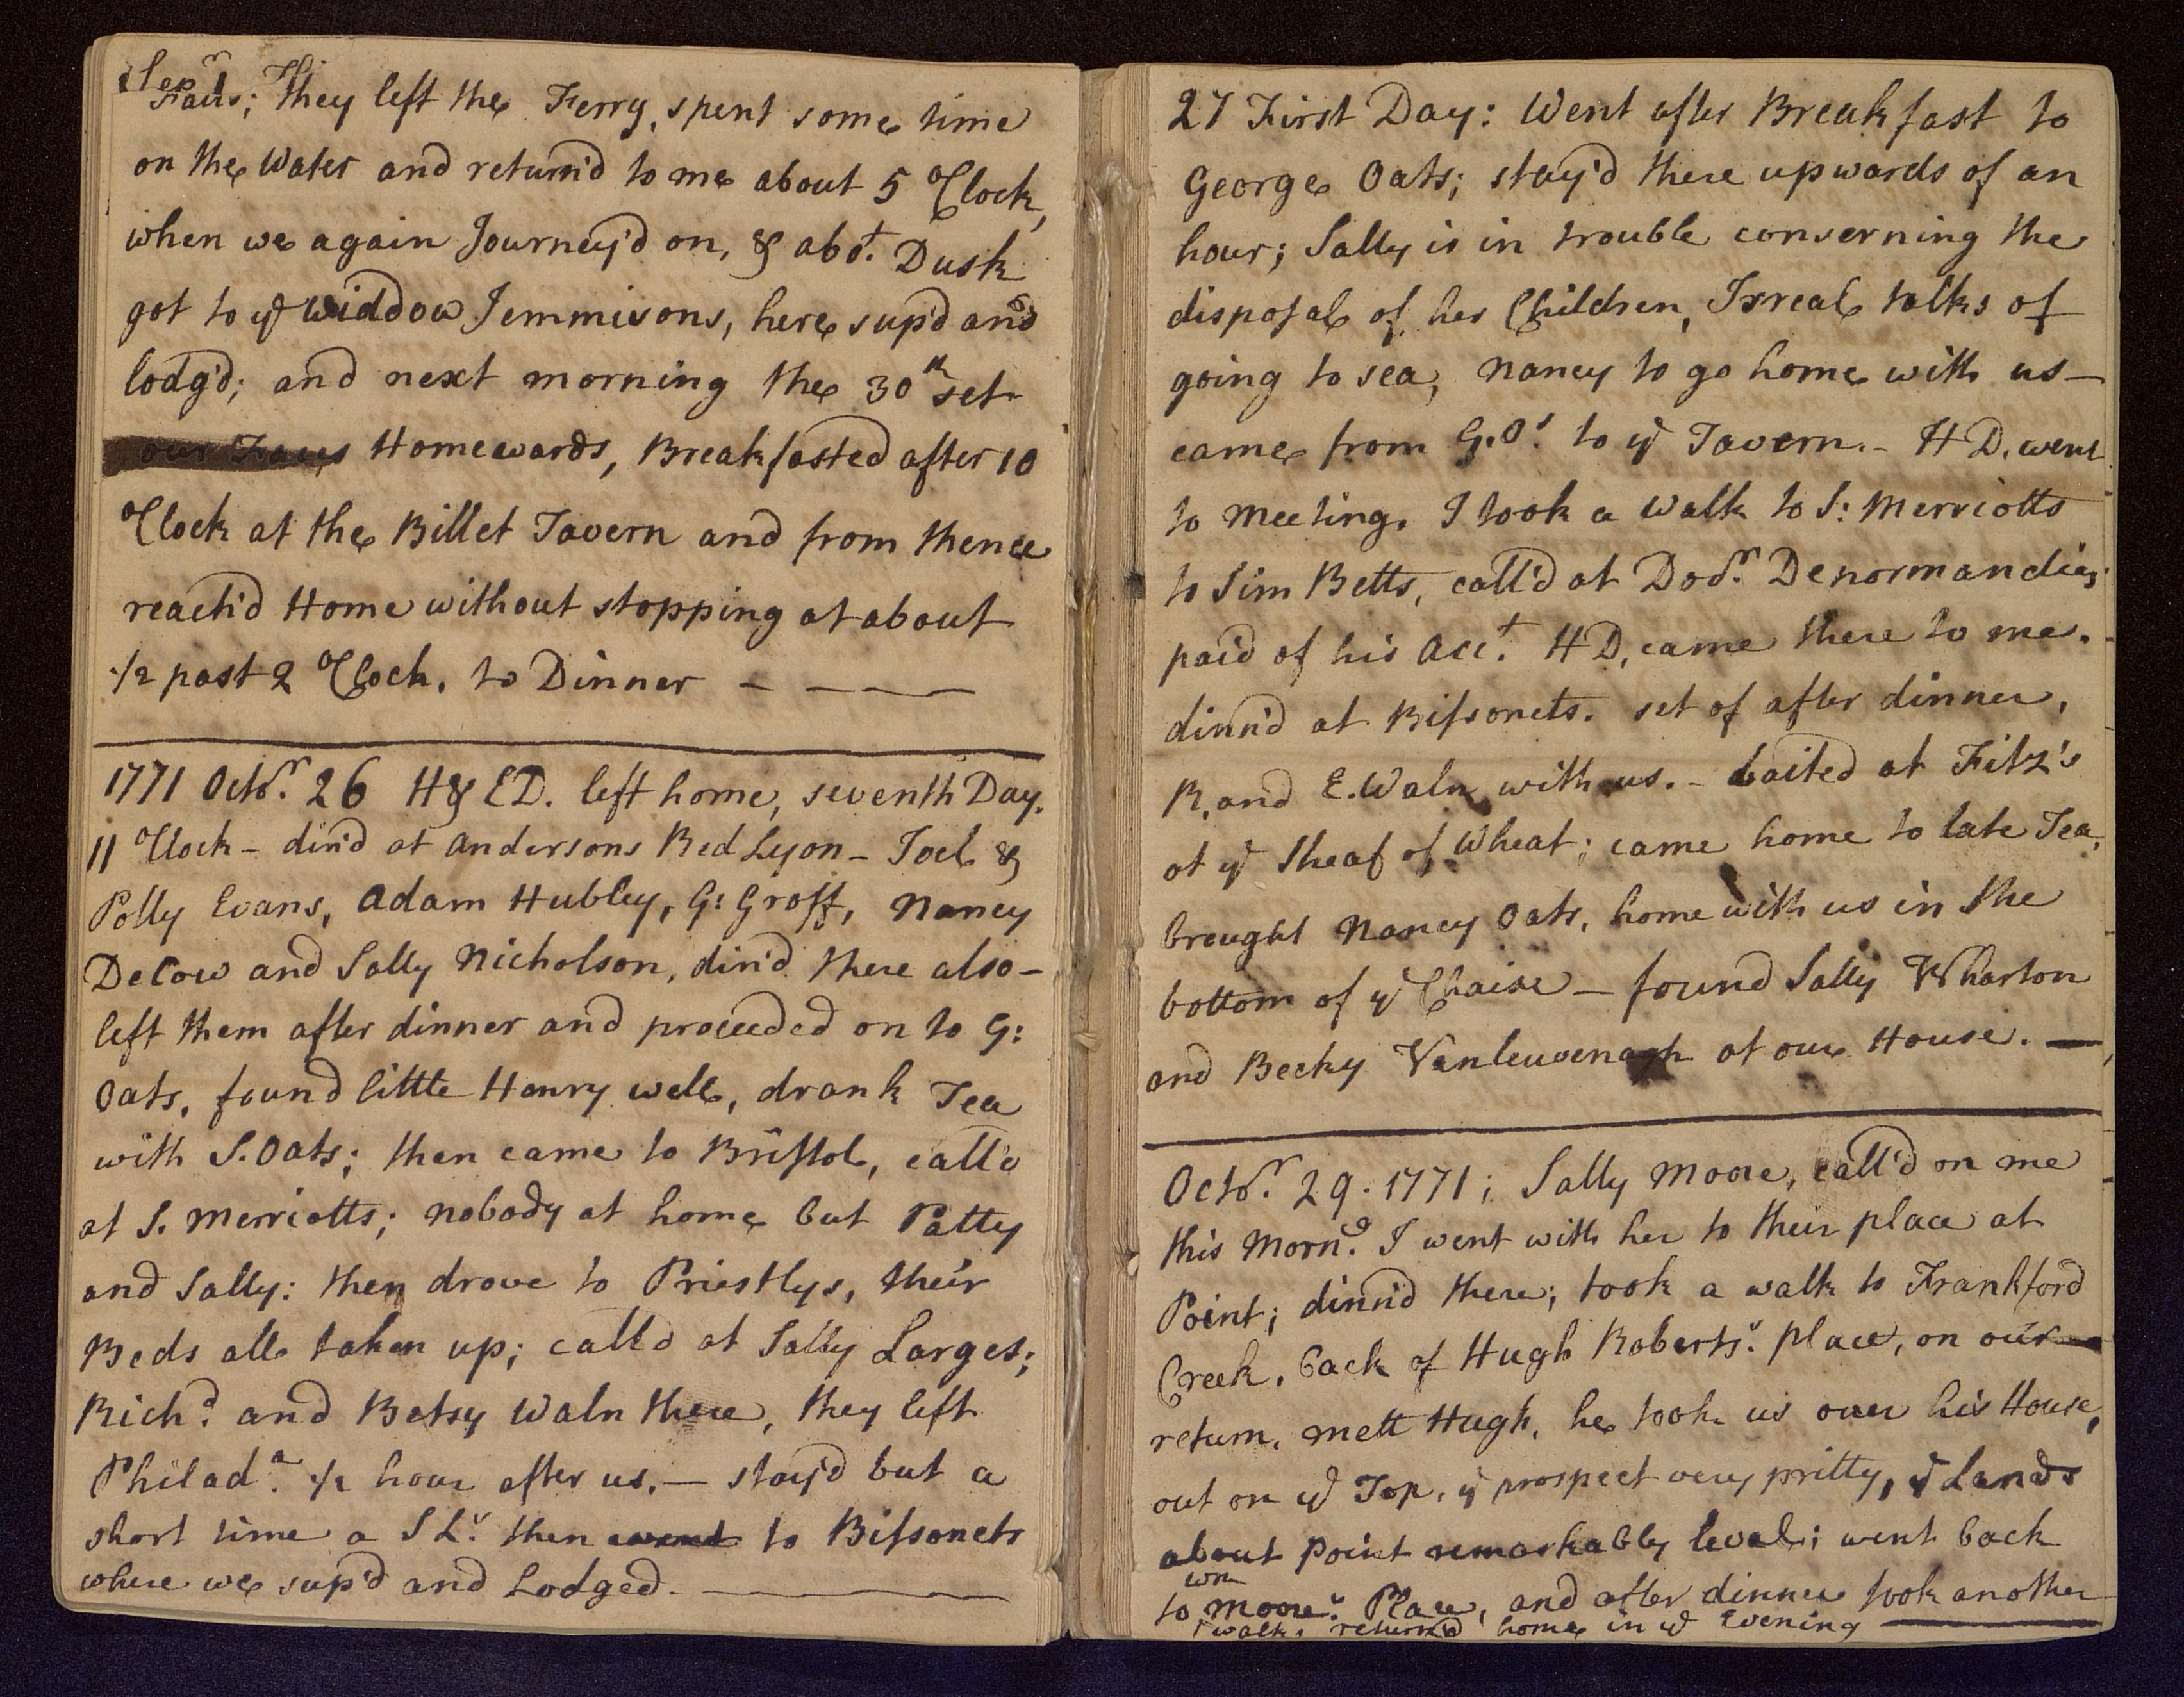[____]; they left the Ferry, spent some time
on the Water and return'd to me about 5 oClock,
when we again Journey'd on, & abo^t. Dusk
get to y^e widdow Jemmisons, here sup'd and
lodg'd; and next morning the 30^th set
our Faces Homewards, Breakfasted after 10
oClock at the Billet Tavern and from thence
reach'd Home without stopping at about
1/2 past 2 oClock. to Dinner-
1771 Octo^r. 26 H & ED. left home, seventh Day,
11 oClock - din'd at Andersons Red Lyon- Joel &
Polly Evans, Adam Hubley, G: Groff, Naney
Delow and Sally Nicholson, din'd there also-
left them after dinner and proceeded on to G:
Oats, found little Henry well, drank Tea
with S. Oats; then came to Bristol, call'd
at S. Merriotts; nobody at home but Patty
and Sally; then drove to Priestlys, their
Beds all taken up; calld at Sally Larges;
Rich^d. and Betsy Waln there, they left
Philad^a. 1/2 hour after us,- stay'd but a
short time a SL^s. then [went] to Bissonets
where we sup'd andLodged-
27 First Day: Went after Breakfast to
George Oats; stay'd there upwards of an
hour; Sally is in trouble conserning the
disposal of her Children, Isreal talks of
going to sea, Nancy to go home with us-
came from G.O^s. to y^e Tavern.- HD. went
to Meeting. I took a walk to S: Merriotts
to Sim Betts, call'd at Doc^r. Denormandis
paid of his acc^t. HD came there to me.
dinn'd at Bissonets. set of after dinner,
R. and E. Waln with us.- Caited at Fitz's
at y^e Sheaf of Wheat; came home to late Tea,
braught Nancy Oats, home with us in the
bottom of y^e Chaise- found Sally Wharton
and Becky Vanteurenash? at our House.-
Octo^r. 29^. 1771; Sally Moore, call'd on me
this Morn^g. I went with her to their place at
Point; dinn'd there; took a walk to Frankford
Creek, back of Hugh Roberts^s. place, on our
return, mett Hugh, he took us our his House,
out on y^e Top, y^e prospect very pritty, y^e Lands
about Point remarkably leval; went back
Wm
to ^ Moore^s. Place, and after dinner took another
walk return'd home in y^e Evening